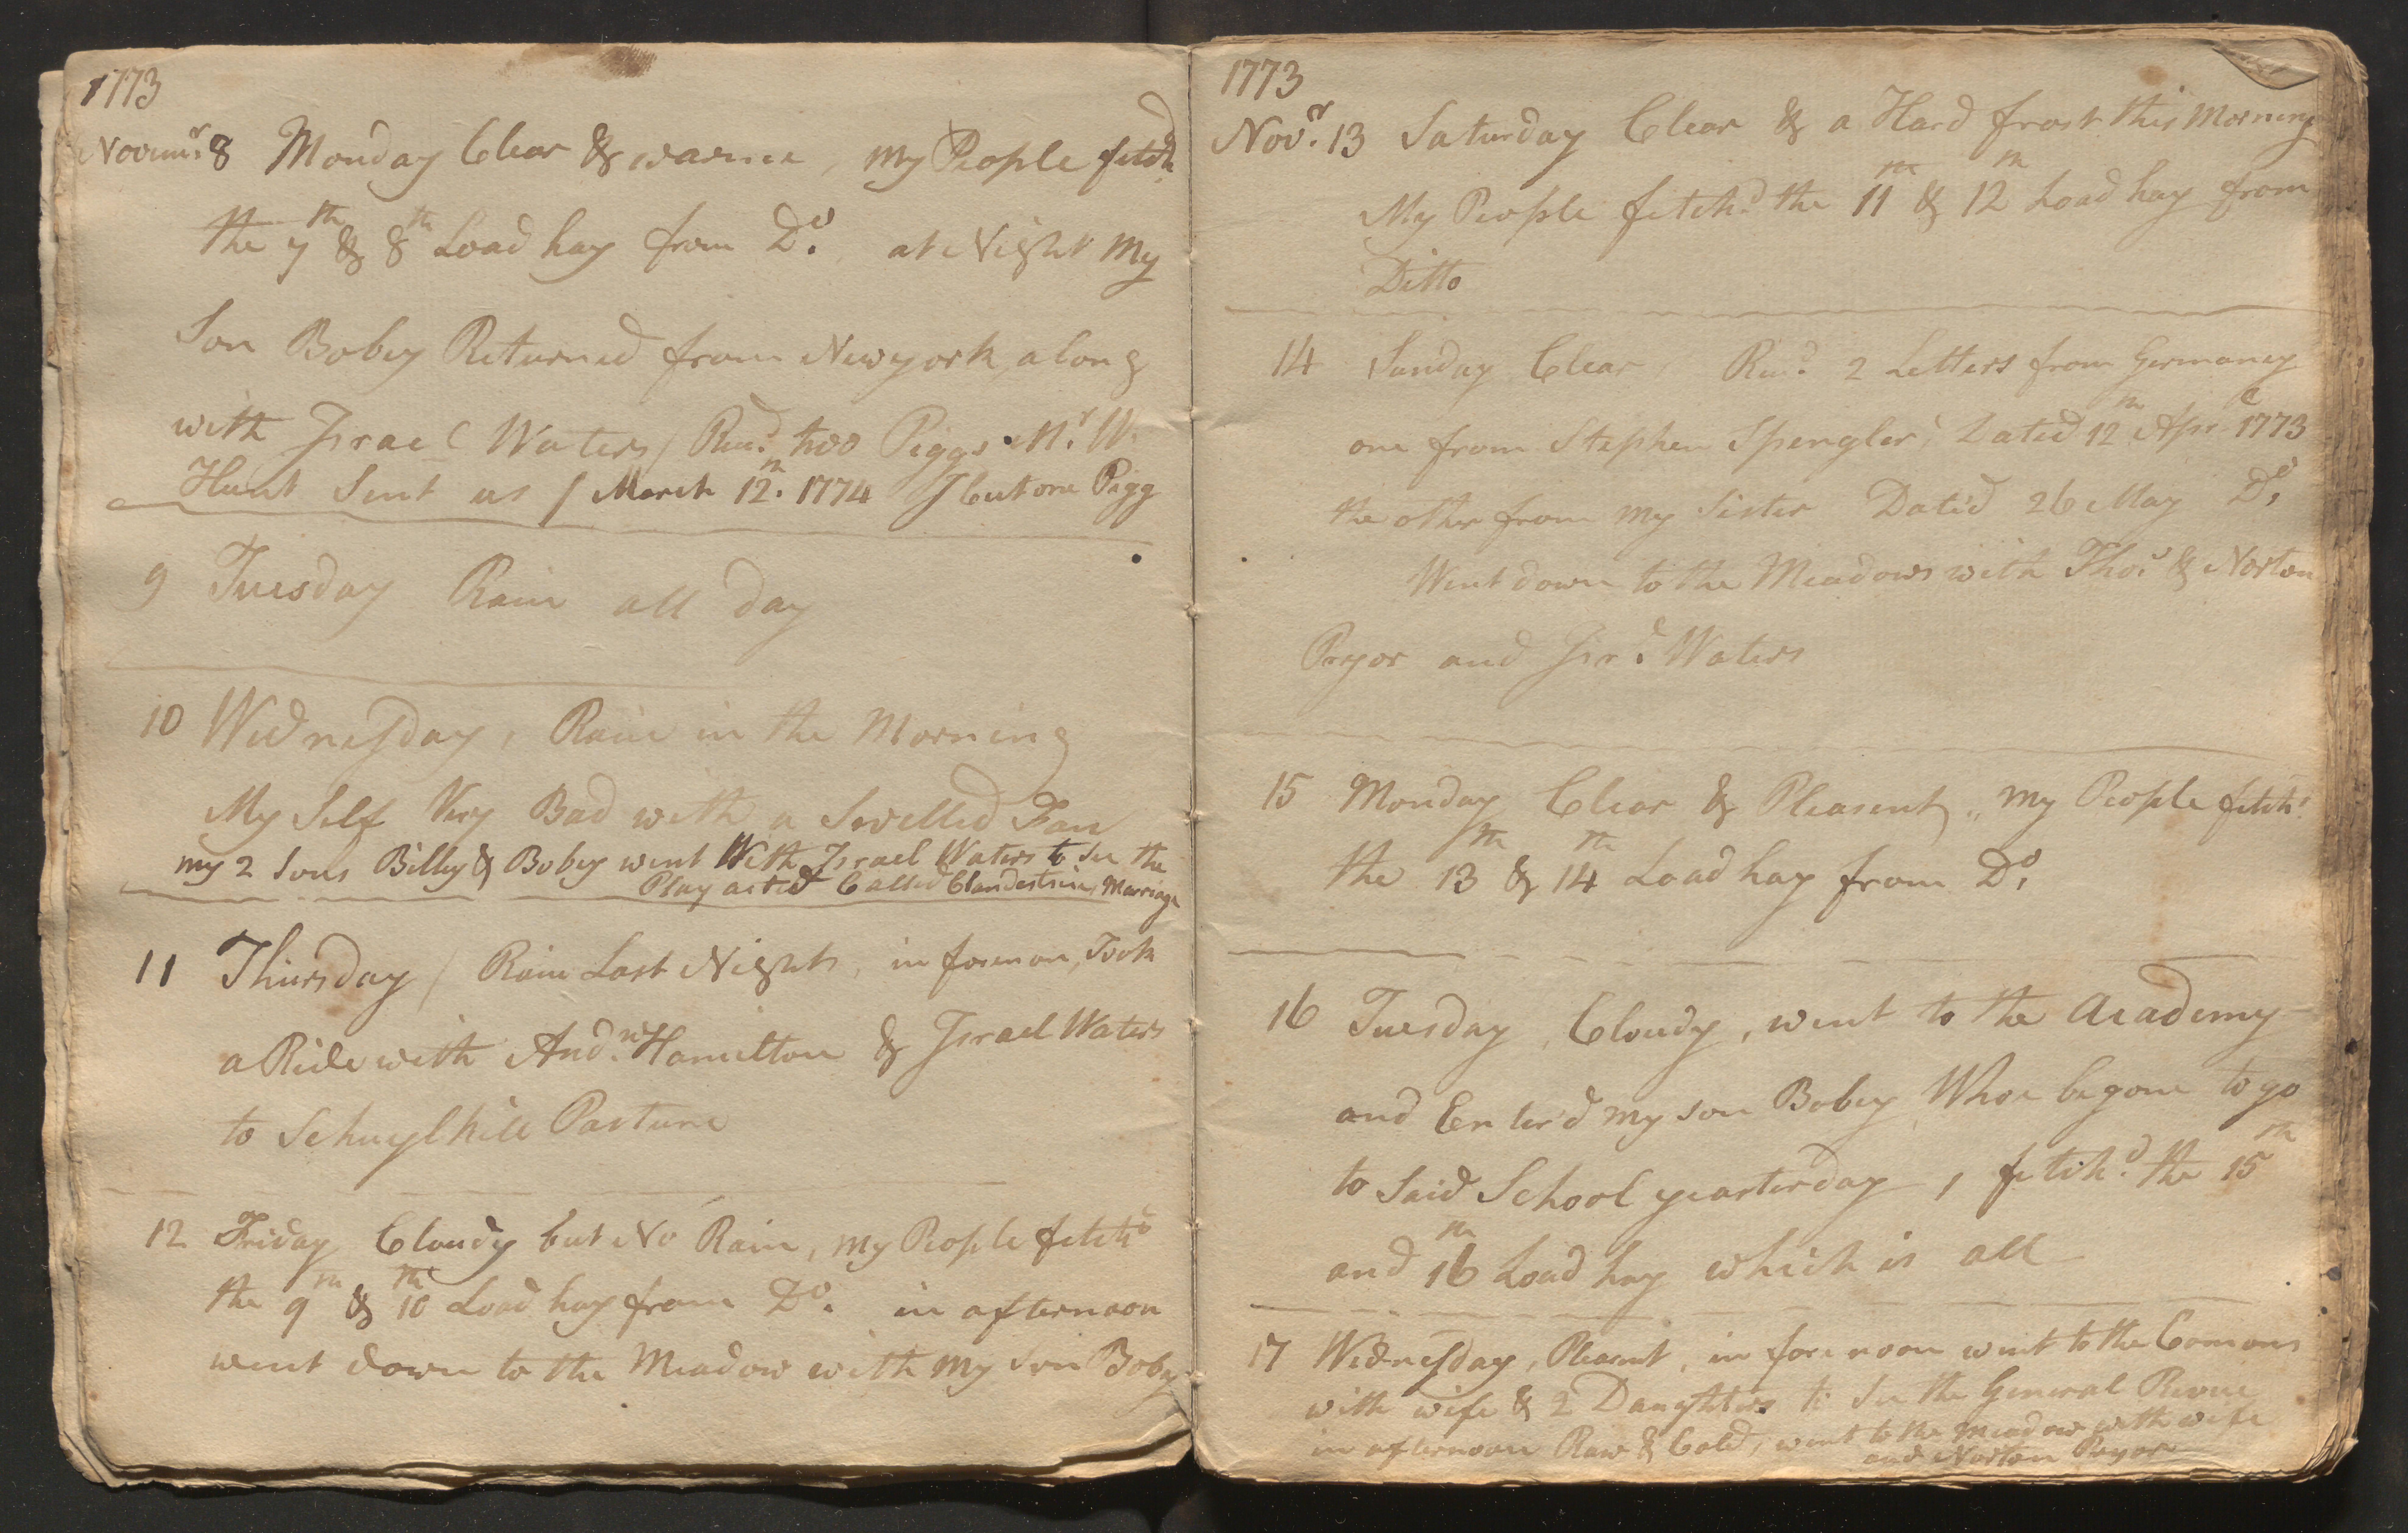1773
Novem^r. 8 Monday Clear & warm, My People fetchd.
the 7^th & 8^th Load hay from D^o. at Night My
Son Bobey Returned from Newyork along
with Israel Waters, Rece^d. two Piggs M^r. W
Hunt sent us / March 12^th. 1774 Cut one Pigg
9 Tuesday Rain all day
10 Wednesday, Rain in the Morning
My Clt Viryg Bad we Sevelled Fan
my 2 Sons Billey & Bobey went With Israel Waters to see the
Play acted Called Clandestine Marriage
11 Thursday, Rain Last Night, in forenon, Took
a Ride with And^r. Hamilton & Israel Waters
to Schuylkill Pasture
12 Friday Cloudy but No Rain, My People fetch^d
the 9^th & 10^th Load hay from D^o. in afternoon
went down to the Meadow with My son Boby
1773
Nov^r. 13 Saturday Clear & a Hard frost this Morning
My People fetch^d. the 11^th & 12^th Load hay from
Ditto
14 Sunday Clear Rec^d. 2 Letters from Germaney
one from Stephen Spengler Dated 12^th Apr^l 1773
the other fron My Sister Datee 26 May D^o.
Went down to the Meadows with Tho^s. & Norton
Pryor and Isr^l. Waters
15 Monday Clear & Pleasent, My People fetch^d
the 13^th & 14^th Load hay from D^o.
16 Tuesday Cloudy, went to the Academy
and Enter'd my son Bobey Whoe bigon to go
to Said School yearterday , fetch^d. the 15^th
and 16^th Load hay which is all
17 Wednesday, Pleasent, in fore noon went to the Comons
with wife & 2 Daughters to see the General Revue
in afternoon Raw & Cold, went to the meadow with wife
and Norton Pryor